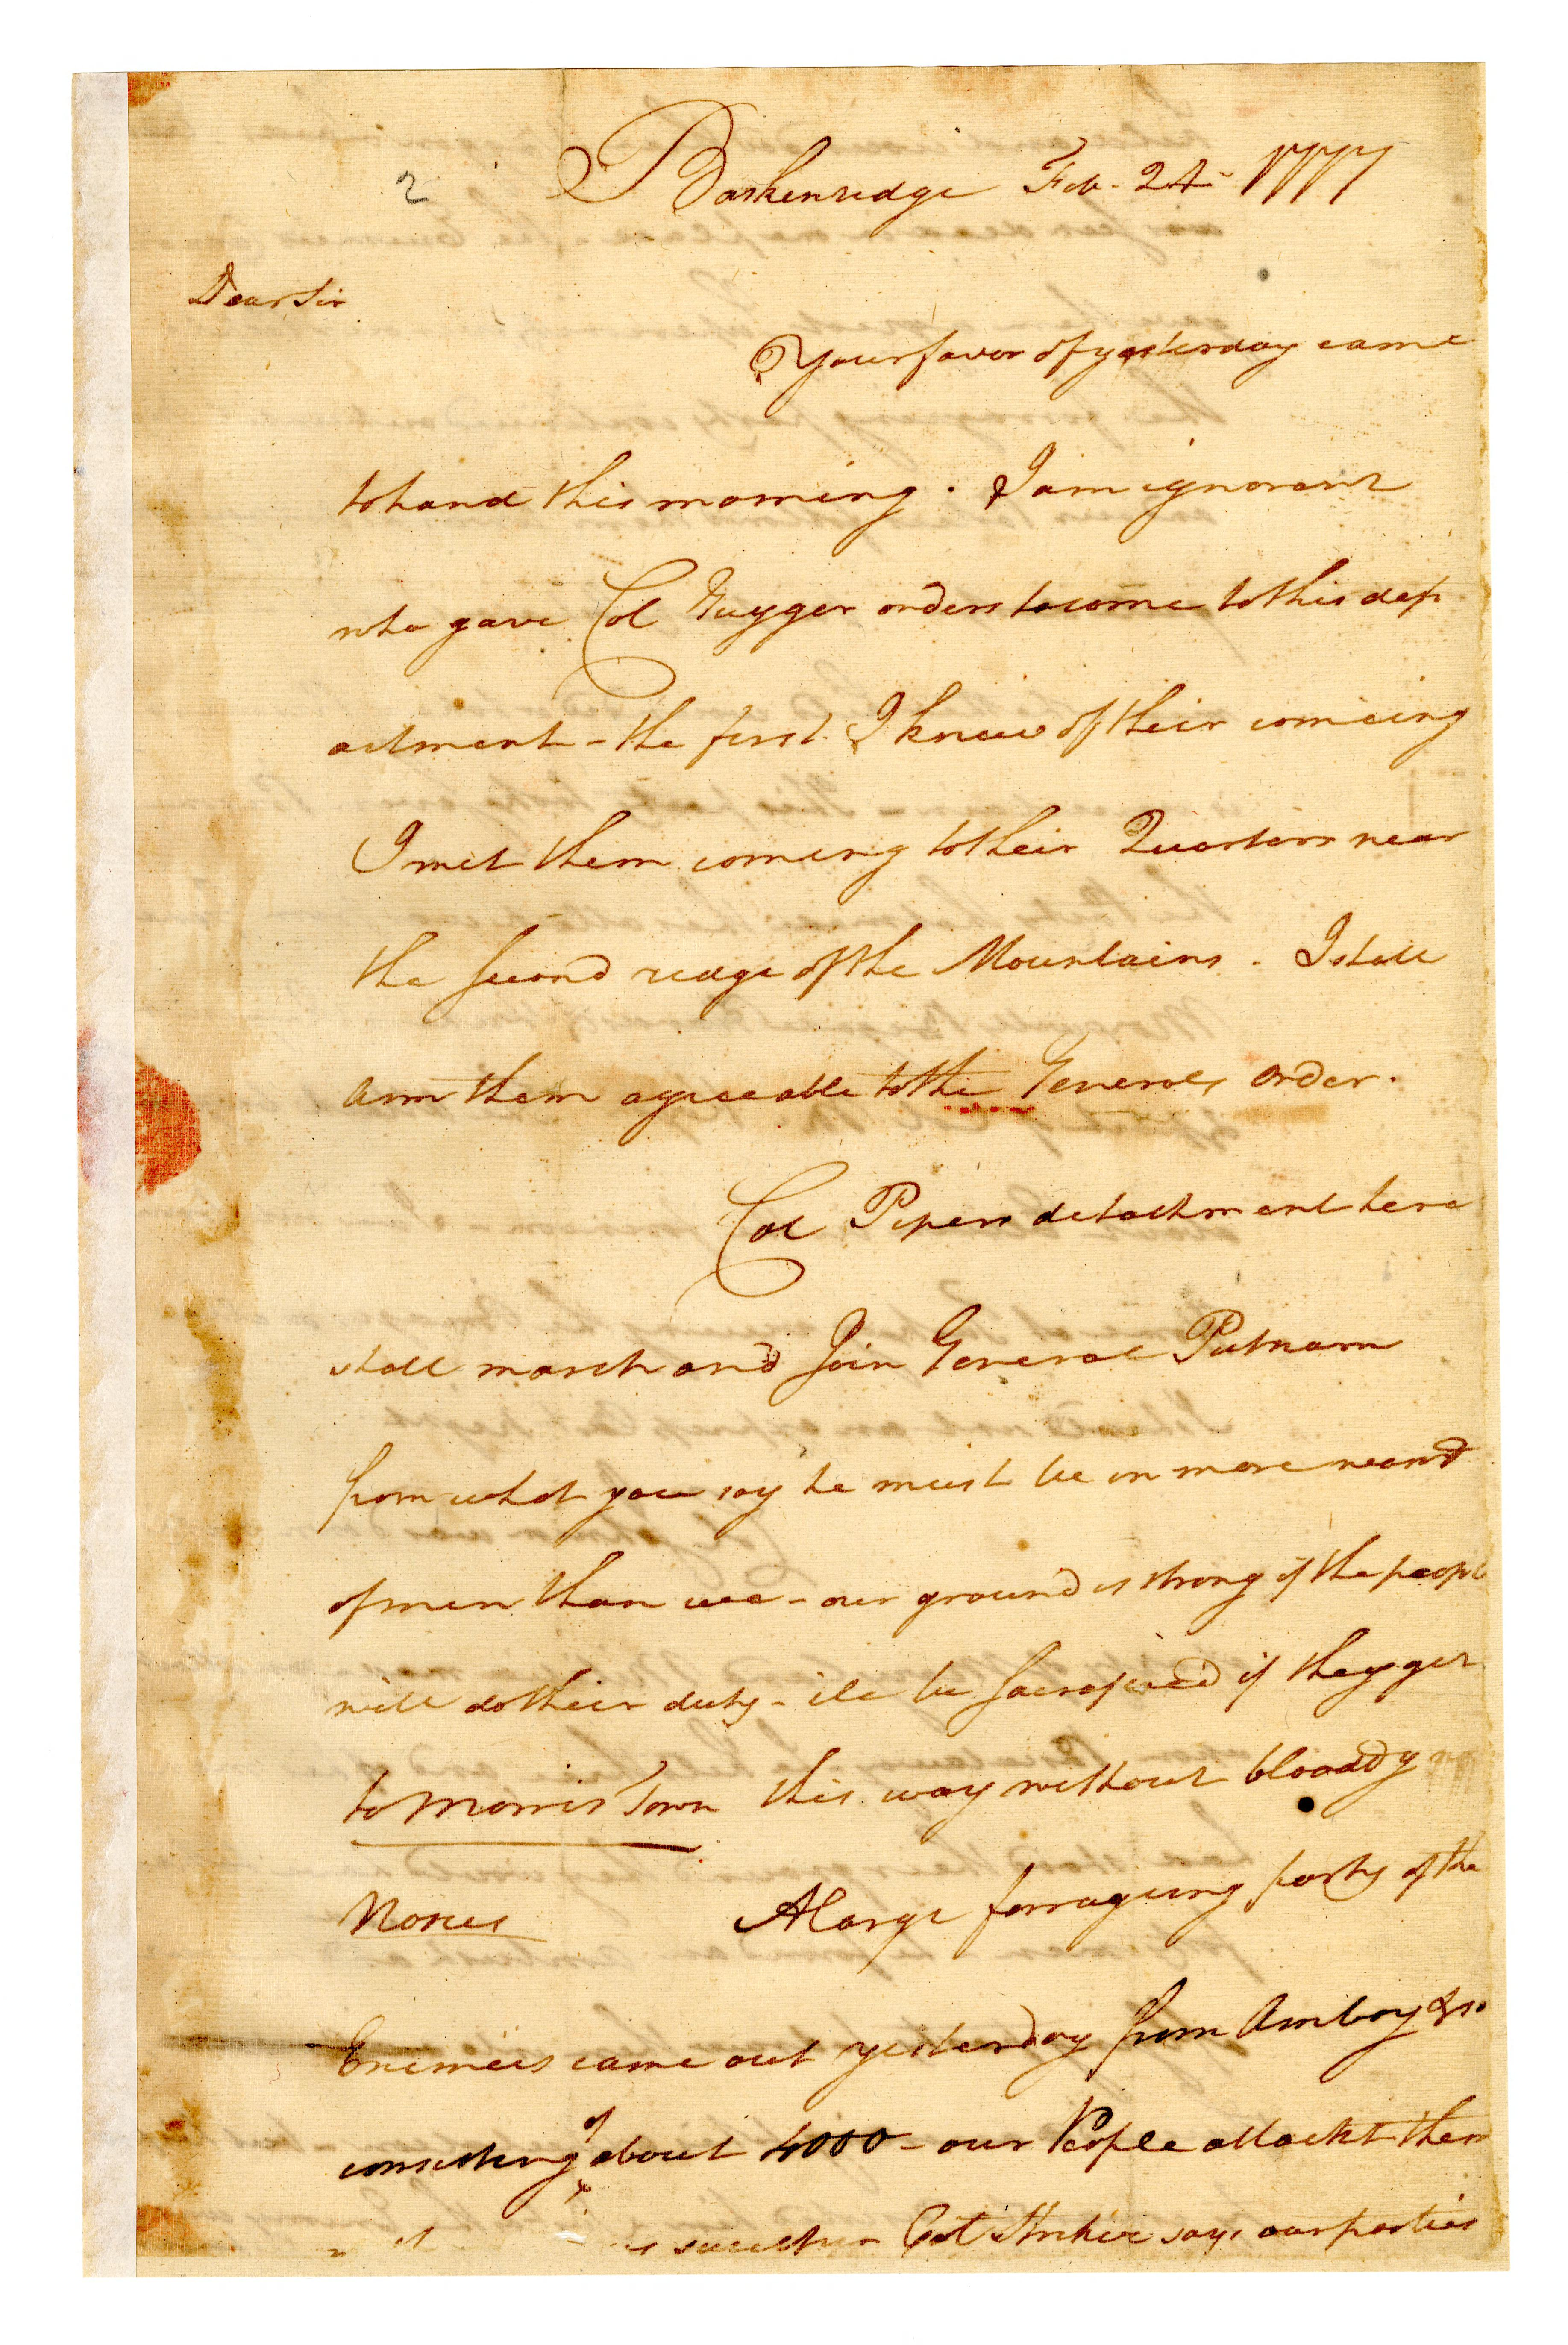Baskenridge Feb. 24. 1777
Dear Sir
Your favor of yesterday came
to hand this morning. I am ignorant
who gave Col Ruyger orders to come to this dep
artment- the first I knew of their coming
I met them coming to their Quarters near
the second ridge of the Mountains. I shall
arm them agreeable to the Generals order.
Col Pipers detachment here
shall march and Join General Putnam
from what you say he must lie in more want
of men than we- our ground is strong if the people
will do their duty- ill be sacrific'd if they get
to Morris Town this way without blooddy
noses
A large forraging party of the
Enemies came out yesterday from Amboy &
consisting ^ about 4000- our People attackt them
of
sucess- Col Striker says our parties